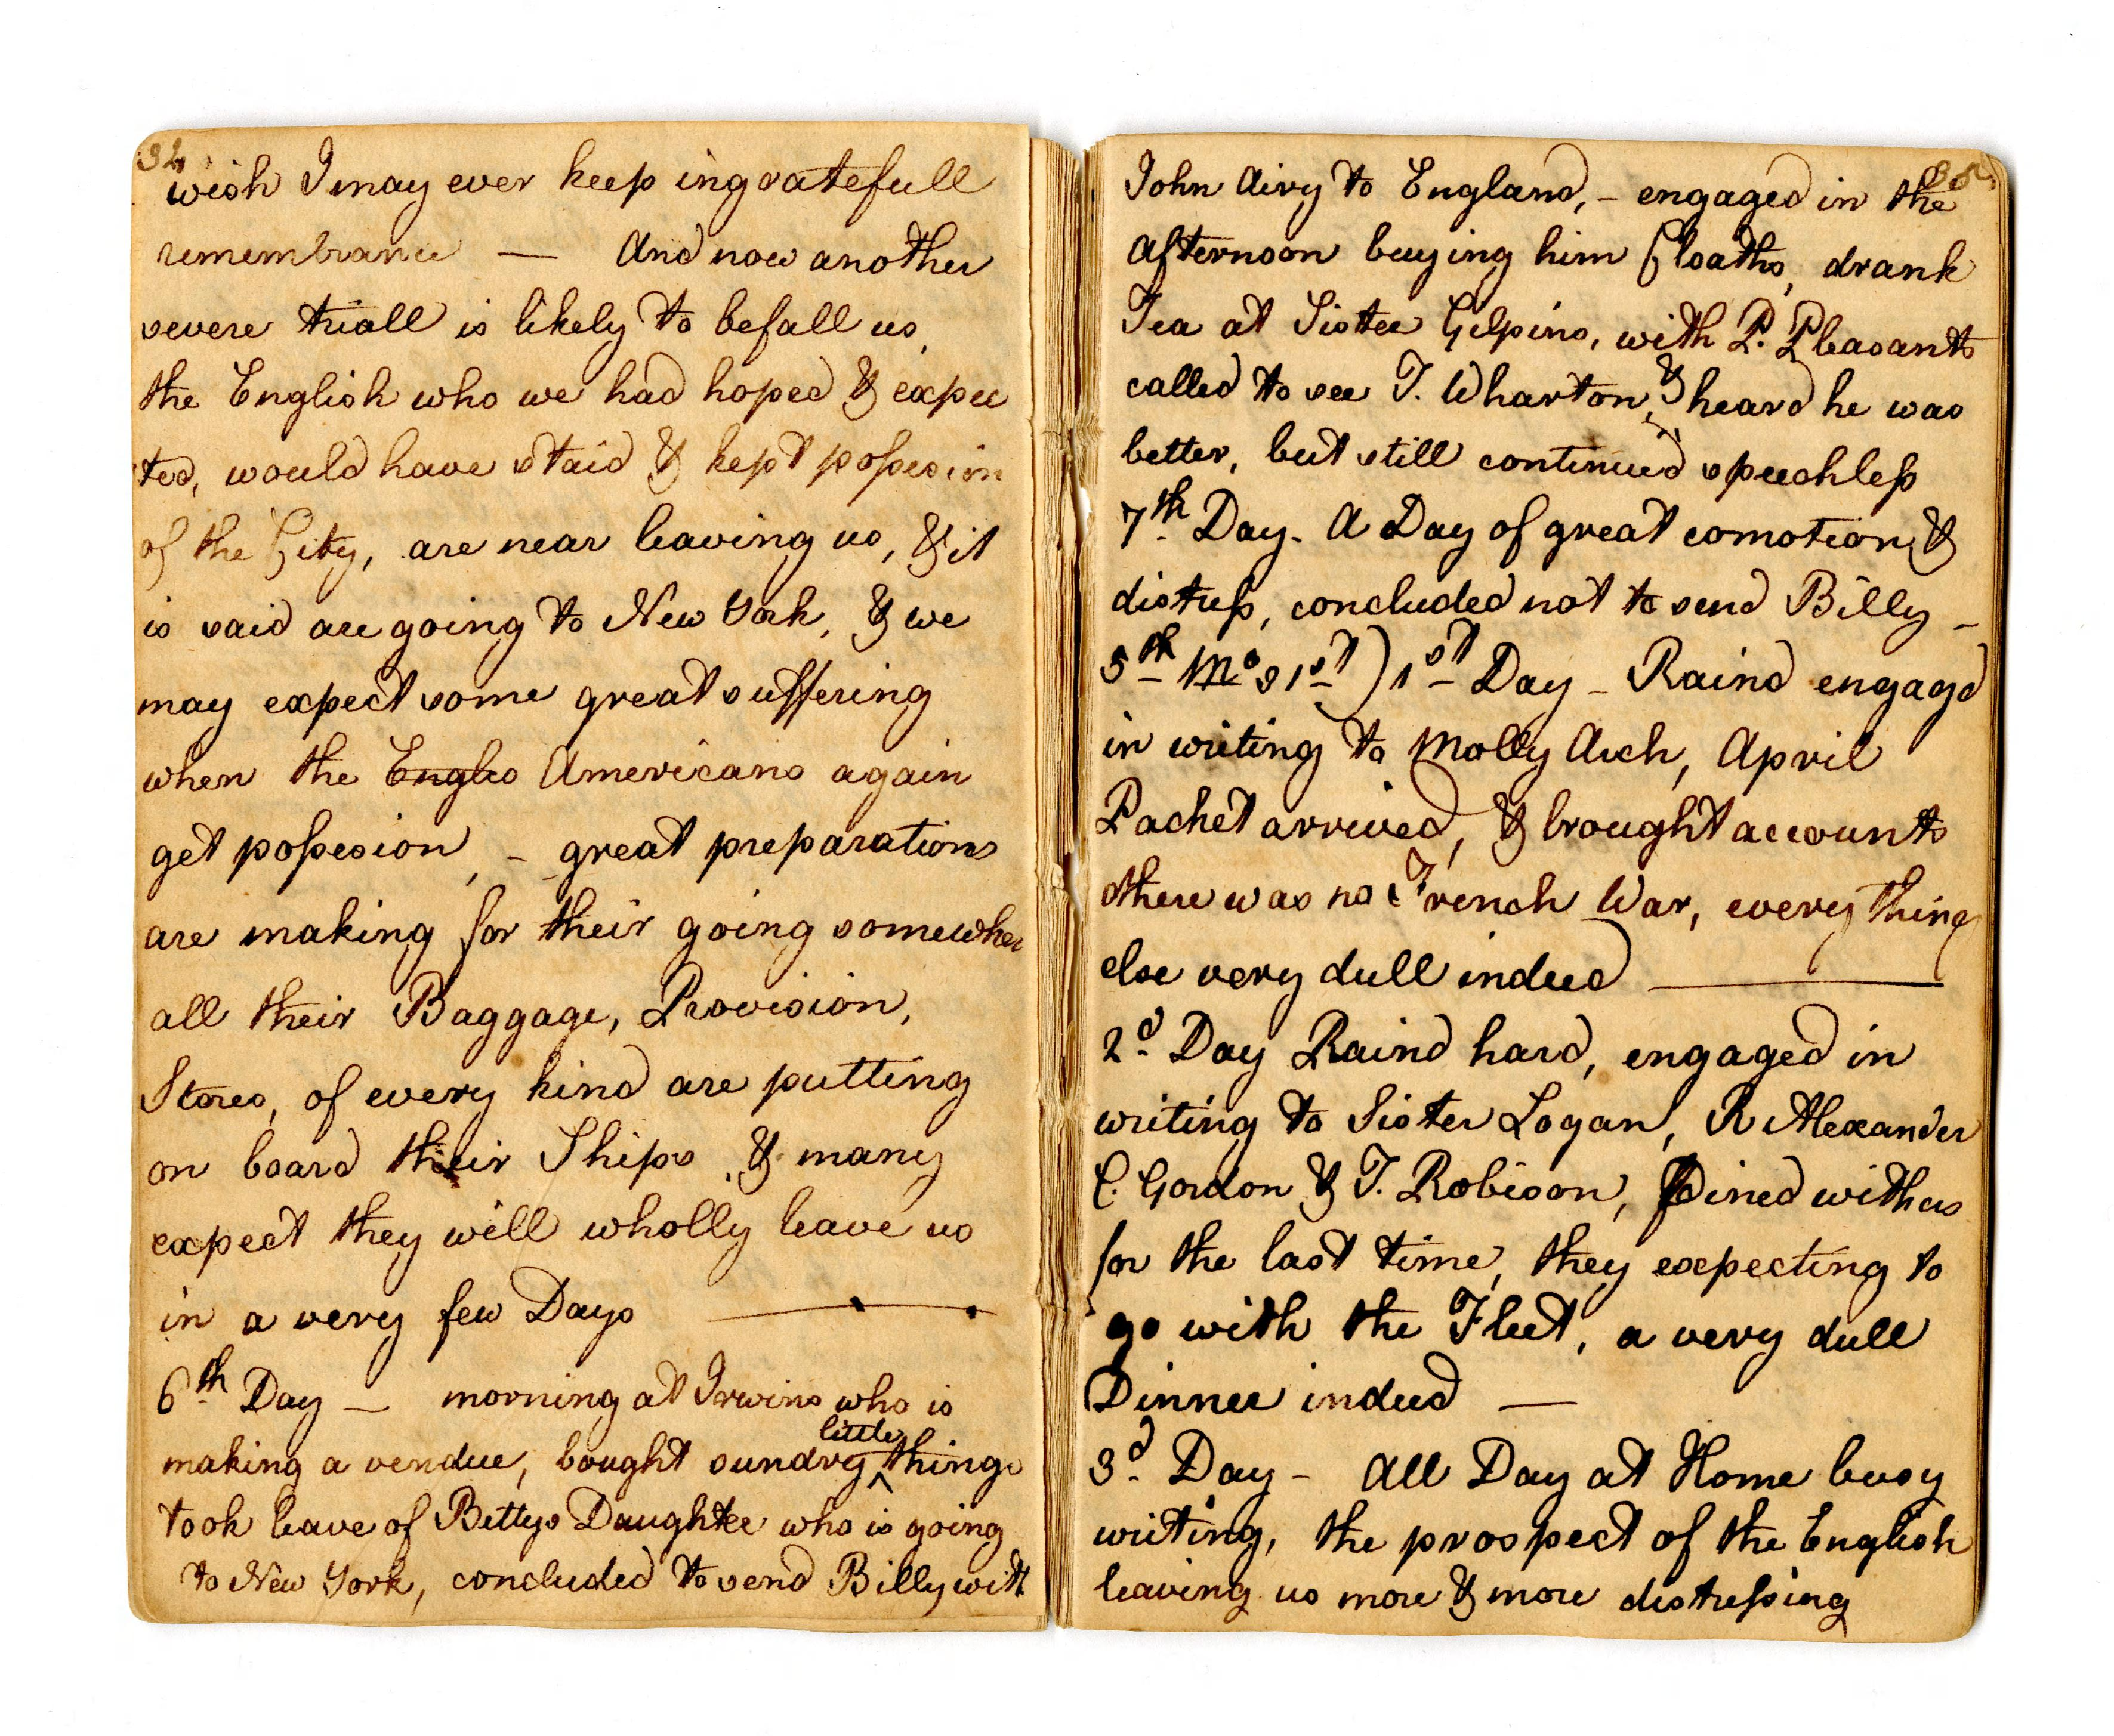34
wish I may ever keep ingratefull
remembrance- And now another
severe triall is likely to befall us,
the English who we had hoped & expec
-ted, would have staid & kept possesion
of the City, are near leaving us, & it
is said are going to New York, & we
may expect some great suffering
when the Englis Americans again
get possesion,- great preparations
are making for their going somewhere
all their Baggage, Provision,
Stores, of every kind are putting
on board their Ships & many
expect they will wholly leave us
in a very few Days
6^th Day- morning at Irwins who is
little
making a vendue, bought sundry ^ things
took leave of Bettys Daughter who is going
to New York, concluded to send Billy with
35
John Airy to England,- engaged in the
Afternoon buying him Cloaths, drank
Tea at Sister Gilpins, with P. Pleasants
called to see T. Wharton, & heard he was
better, but still continued speechless
7^th Day- A Day of great comotion &
distress, concluded not to send Billy-
5^th M^o 31^st) 1^st Day- Raind engagd
in writing to Molly Arch, April
Pachet arrived, & brought accounts
there was no French War, every thing
else very dull indeed-
2^d. Day Raind hard, engaged in
writing to Sister Logan, R Alexander
C. Gordon & T. Robison, Dined with us
for the last time, they expecting to
go with the Fleet, a very dull
Dinner indeed-
3^d. Day- all Day at Home busy
writing, the prospect of the English
leaving us more & more distressing